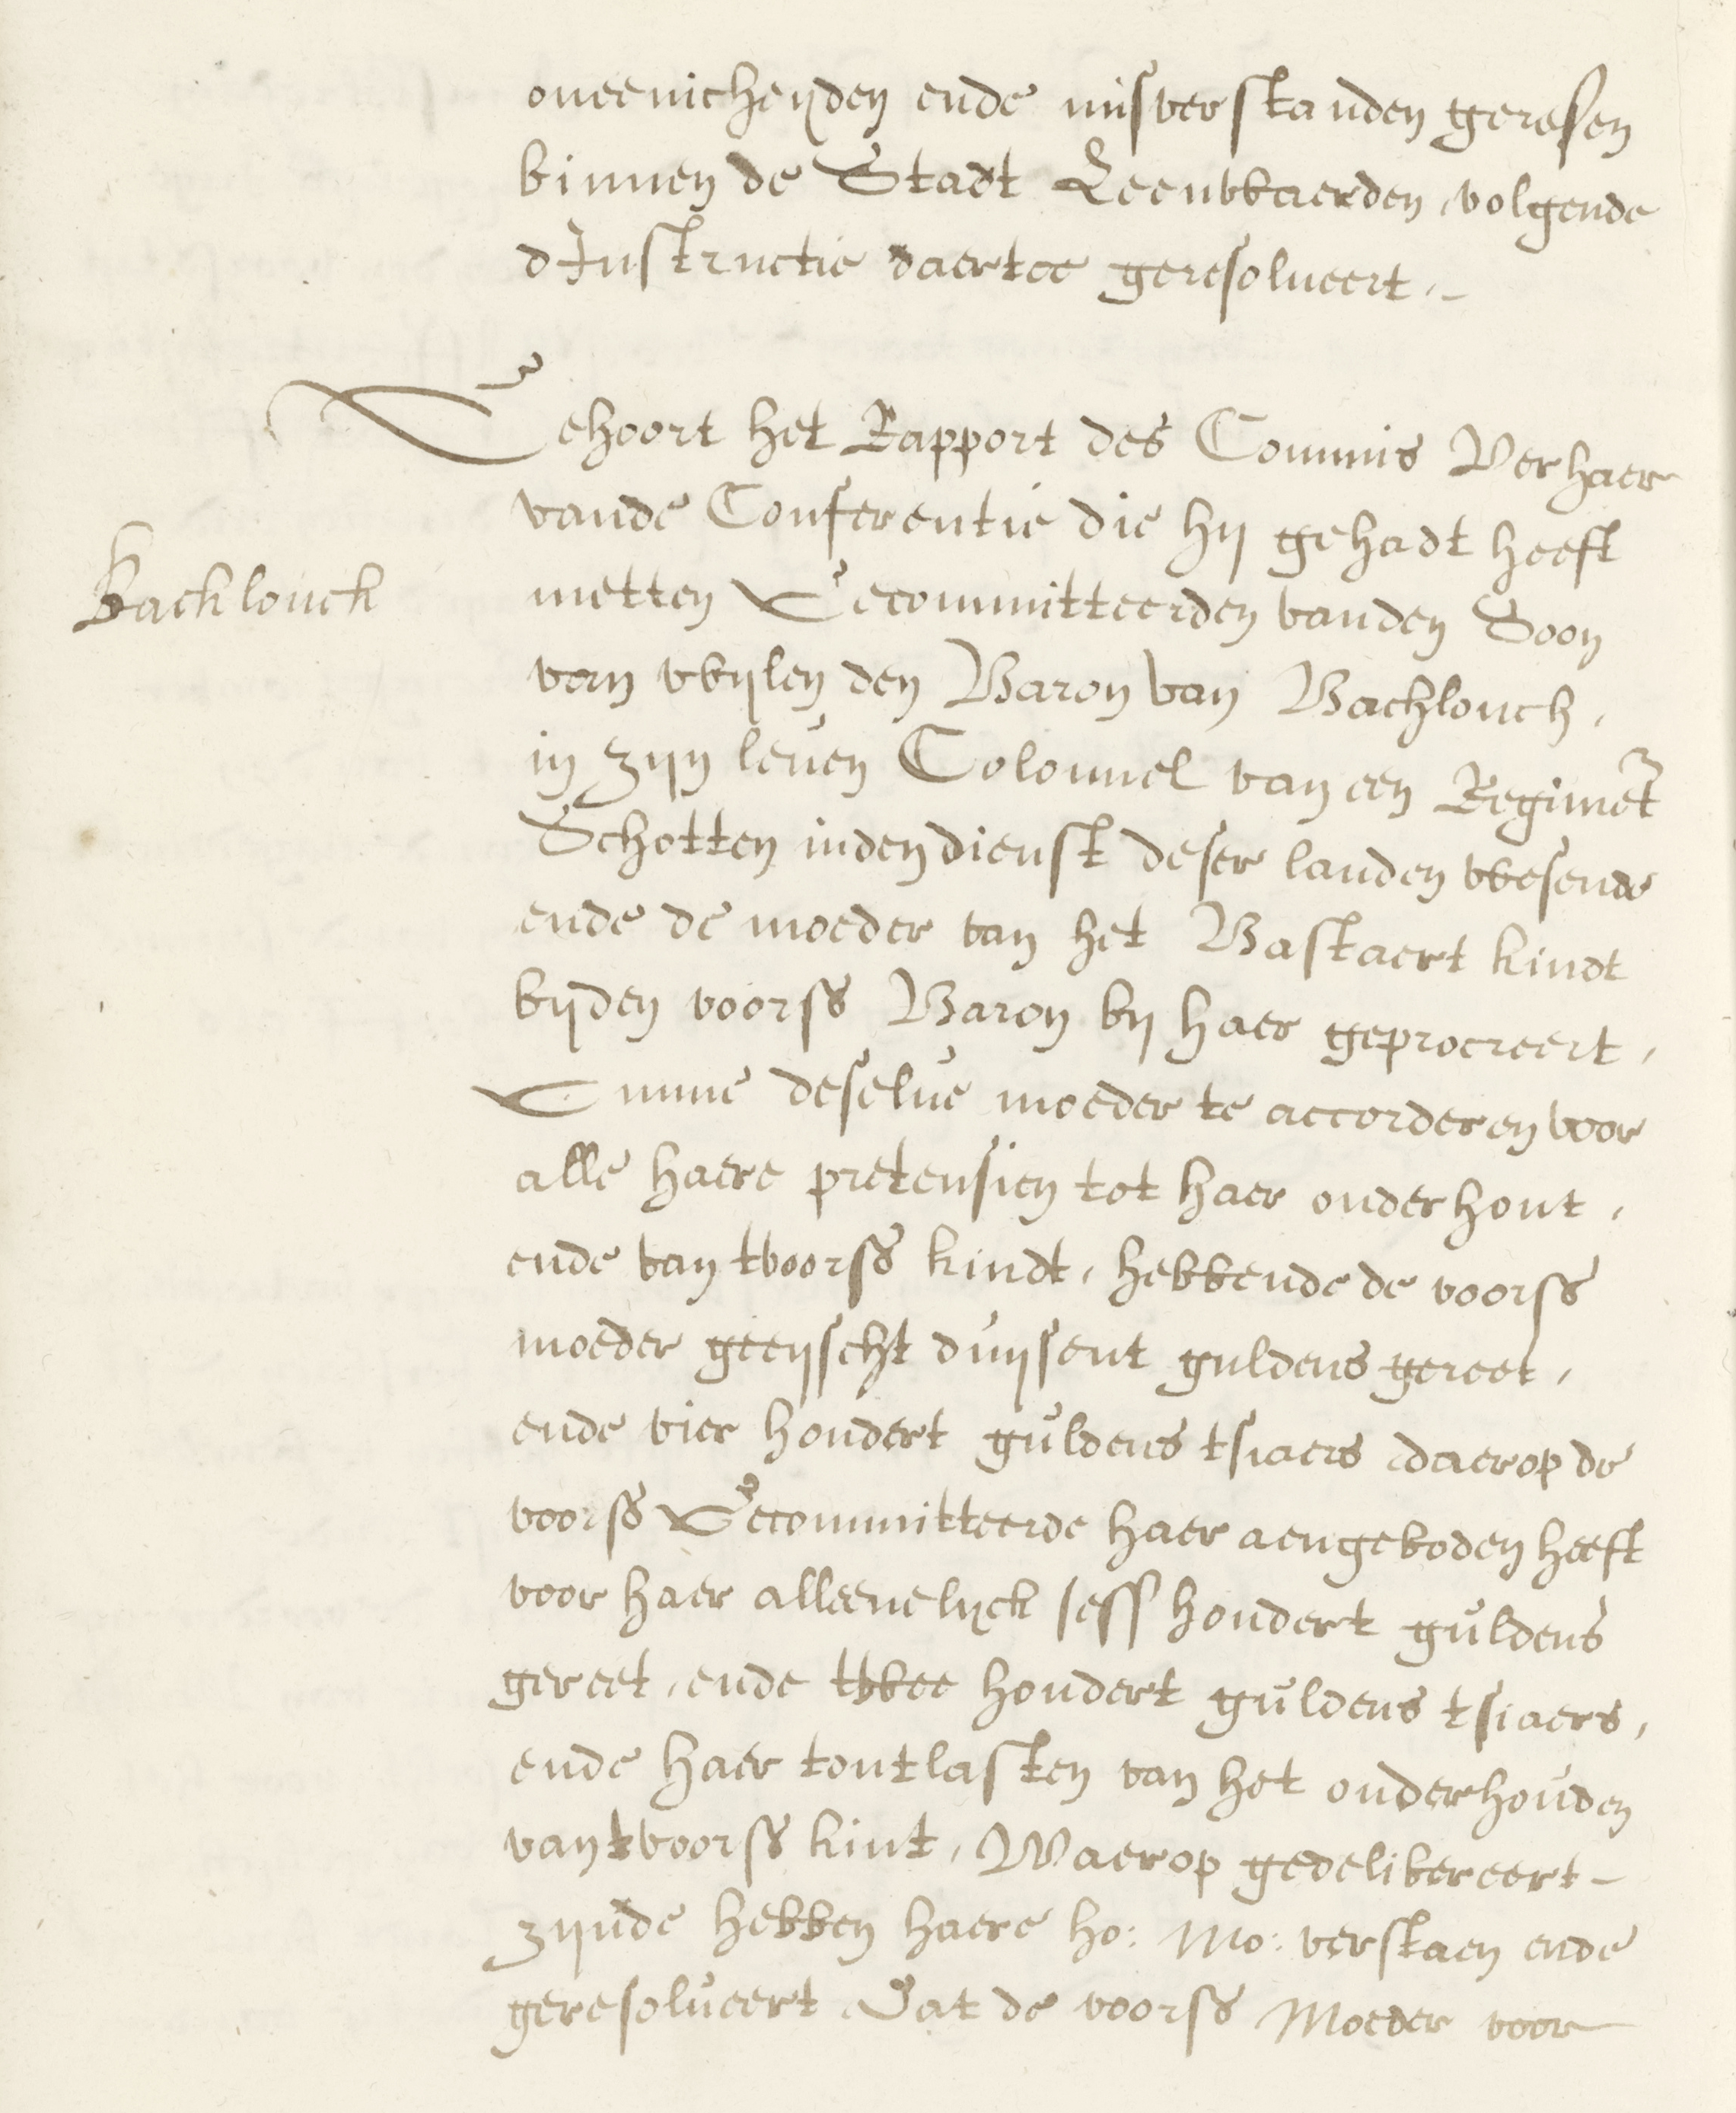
oneenicheyden ende misverstanden geresen
binnen de Stadt Leeuwaerden, volgende
dInstructie daertoe geresolueert.
Bachlouch
Gehoort het Rapport des Commis Verhaer
vande Conferentie die hy gehadt heeft
metten Gecommitteerden vanden Soon
van wylen den Baron van Bachlouch,
in zyn leuen Colonnel van een Regimet
Schotten inden dienst deser landen wesende
ende de moeder van het Bastaert kindt
byden voors Baron by haer geprocreert,
Omme deselue moeder te accorderen voor
alle haere pretensien tot haer onderhout,
ende van tvoors kindt, hebbende de voors
moeder geeyscht duysent guldens gereet,
ende vier hondert guldens tsiaers, daerop de
voors Gecommitteerde haer aengeboden heeft
voor haer alleenelyck sess hondert guldens
gereet, ende twee hondert guldens tsiaers,
ende haer tontlasten van het onderhouden
van tvoors kint. Waerop gedelibereert
zynde hebben haere ho:Mo: verstaen ende
geresolueert, dat de voors Moeder voor
